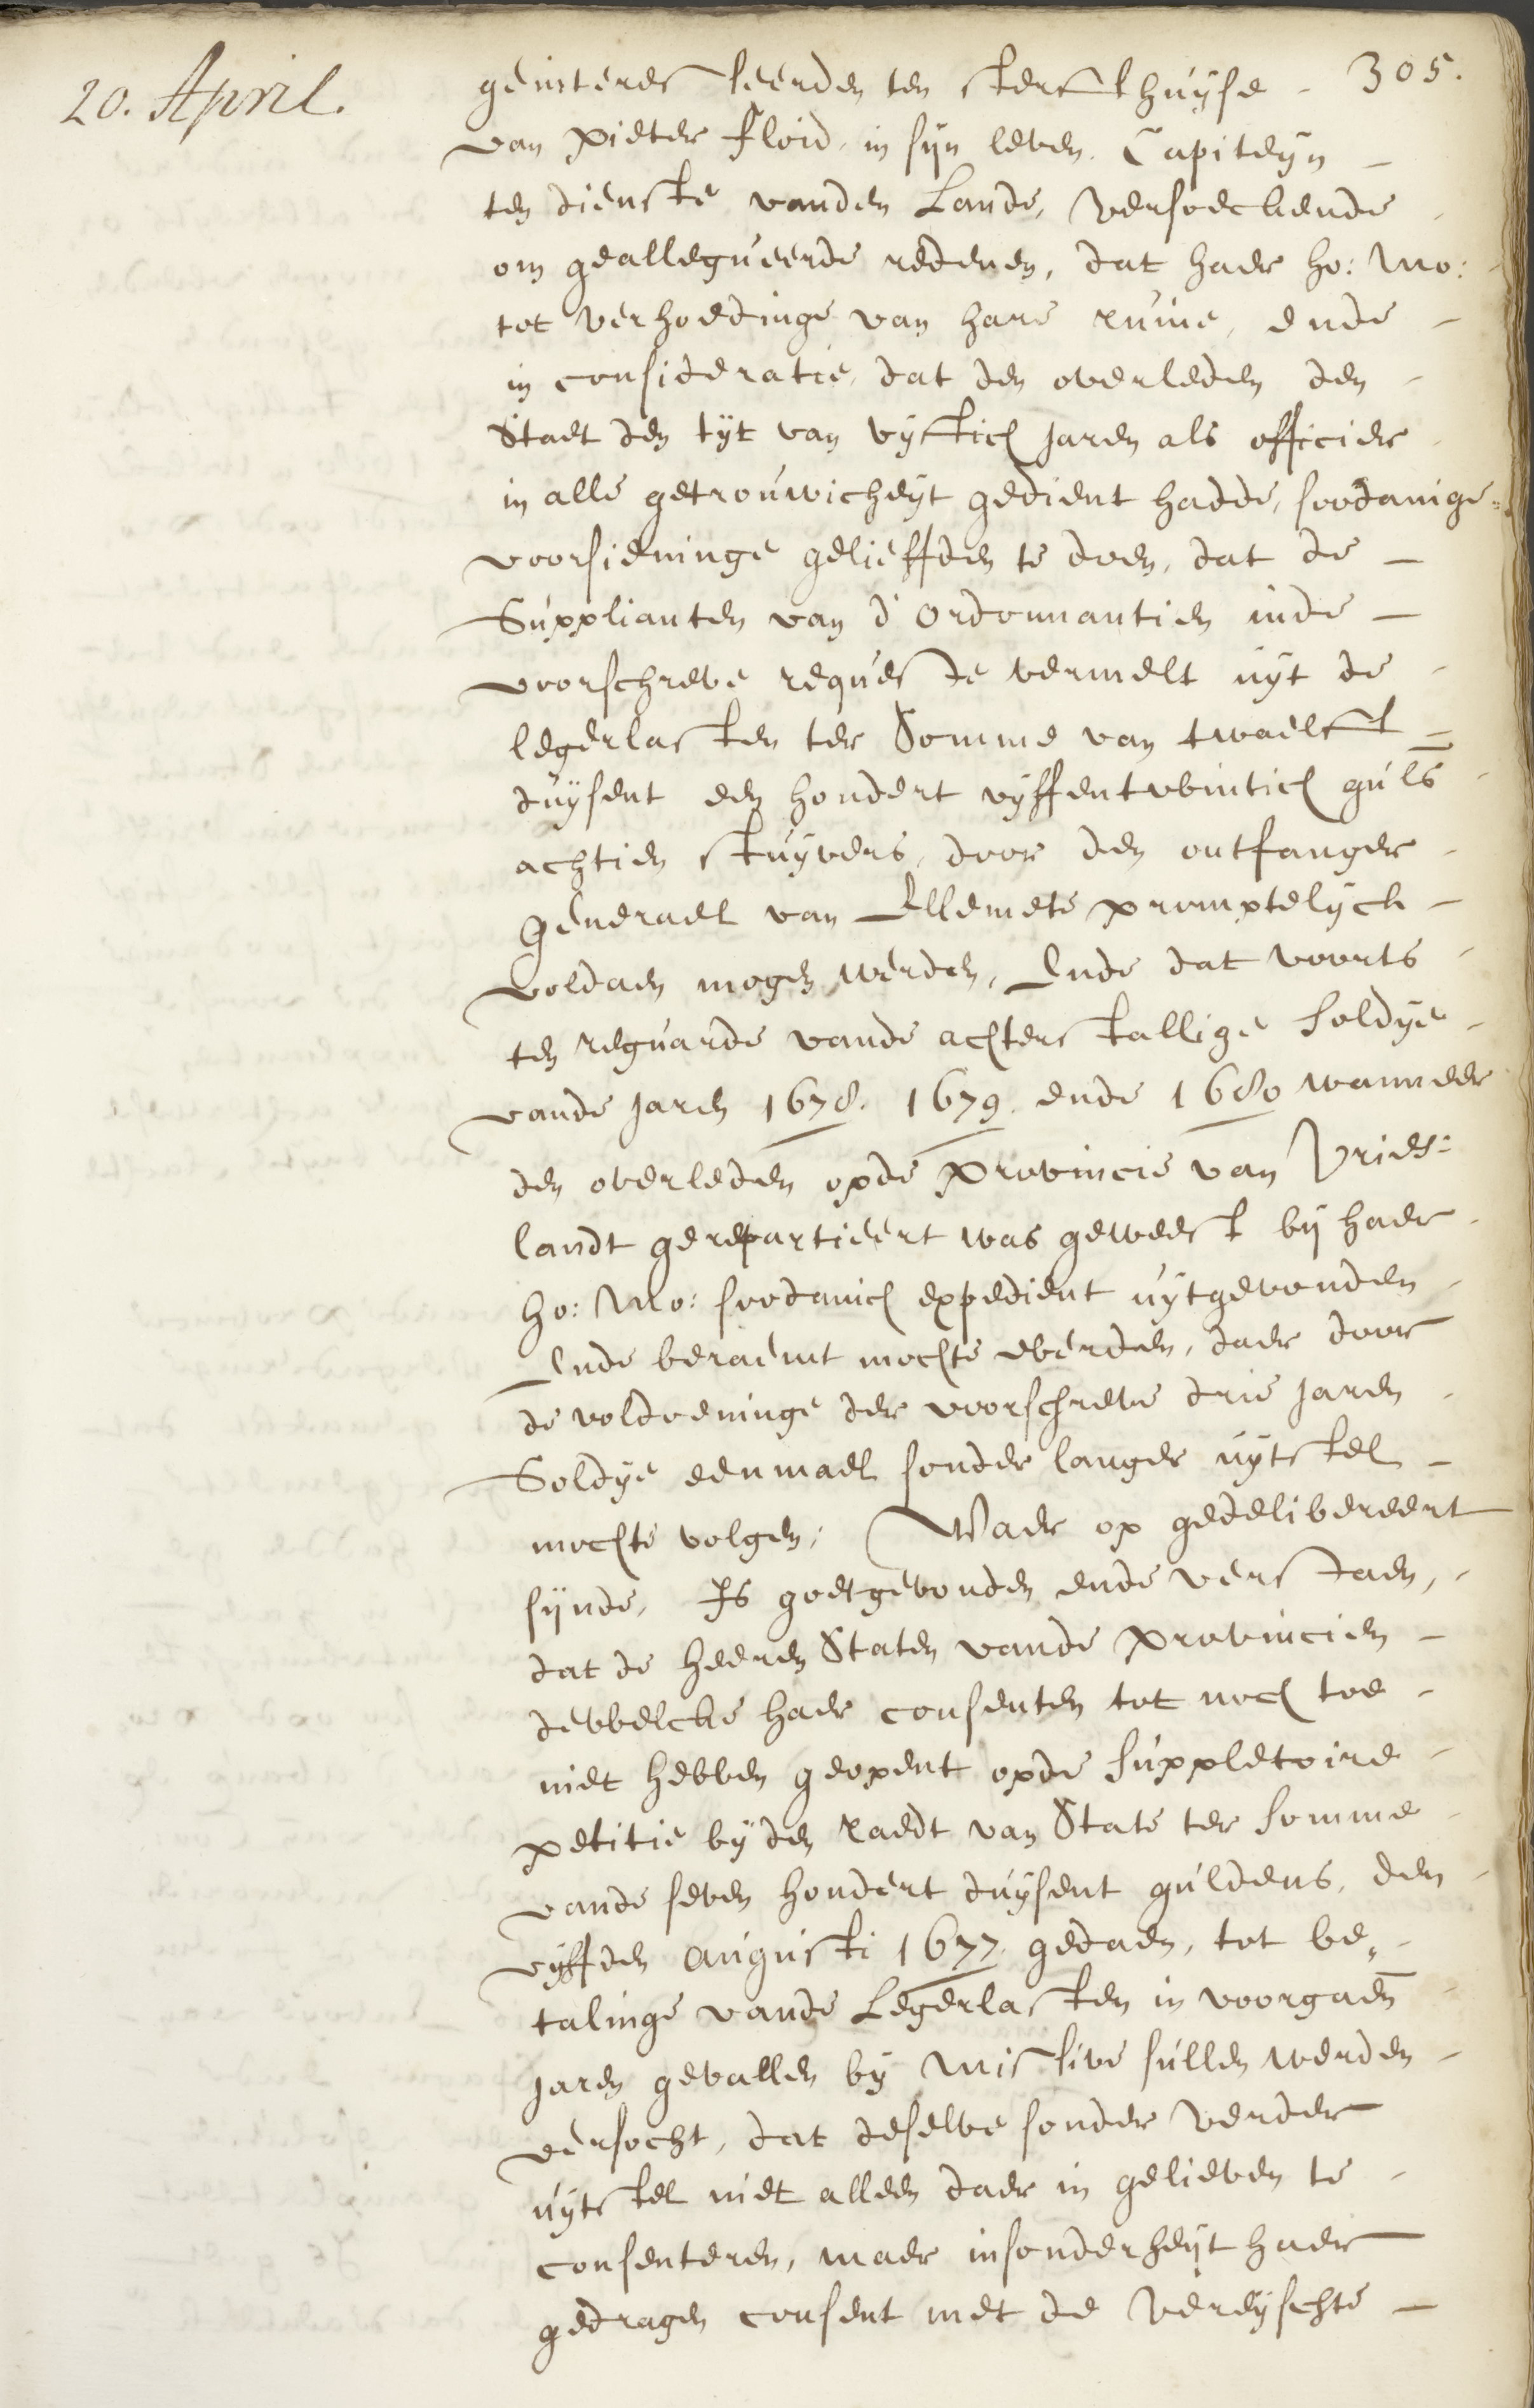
305
20. April.
geinteresseerden ten sterffhuijse
van Pieter Floid, in sijn leven Capiteijn
ten dienste vanden Lande, versoeckende
om geallegueerde redenen, dat haer Ho:Mo:
tot verhoedinge van hare ruine, ende
in consideratie dat den overleden den
Staet den tijt van vijftich jaren als officier
in alle getrouwicheijt gedient hadde, soodanige
voorsieninge gelieffden te doen, dat de
Supplianten van d'Ordonnantien inde
voorschreve requeste vermelt uijt de
legerlasten ter Somme van twaelff
duijsent een hondert vijffentwintich guls
achtien stuyvers door den ontfanger
generael van Ellemete promptelijck
voldaen mogen werden, ende dat voorts
ten reguarde vande achterstallige soldije
vande jaren 1678, 1679 ende 1680 wanneer
den overleden opde provincie van Vries„
landt gerepartieert was geweest bij haer
Ho:Mo: soodanich expedient uytgevonden
ende beraemt mochte werden, daer door
de voldoeninge der voorschreve drie jaren
soldije eenmael sonder langer uijtstel
mochte volgen: Waer op gedelibereert
sijnde, Is goetgevonden ende verstaen,
dat de heeren Staten vande procincien
dewelcke haer consenten tot noch toe
niet hebben geopent opde suppletoire
petitie bij den raedt van State ter somme
vande seven hondert duijsent guldens, den
vijffden augusti 1677 gedaen, tot be„
talinge vande Legerlasten in voorgaen
jaren gevallen bij missive sullen werden
versocht, dat deselve sonder verder
uijtstel niet alleen daer in gelieven te
consenteren, maer insonderheijt haer
gedragen consent met de vereijschte
